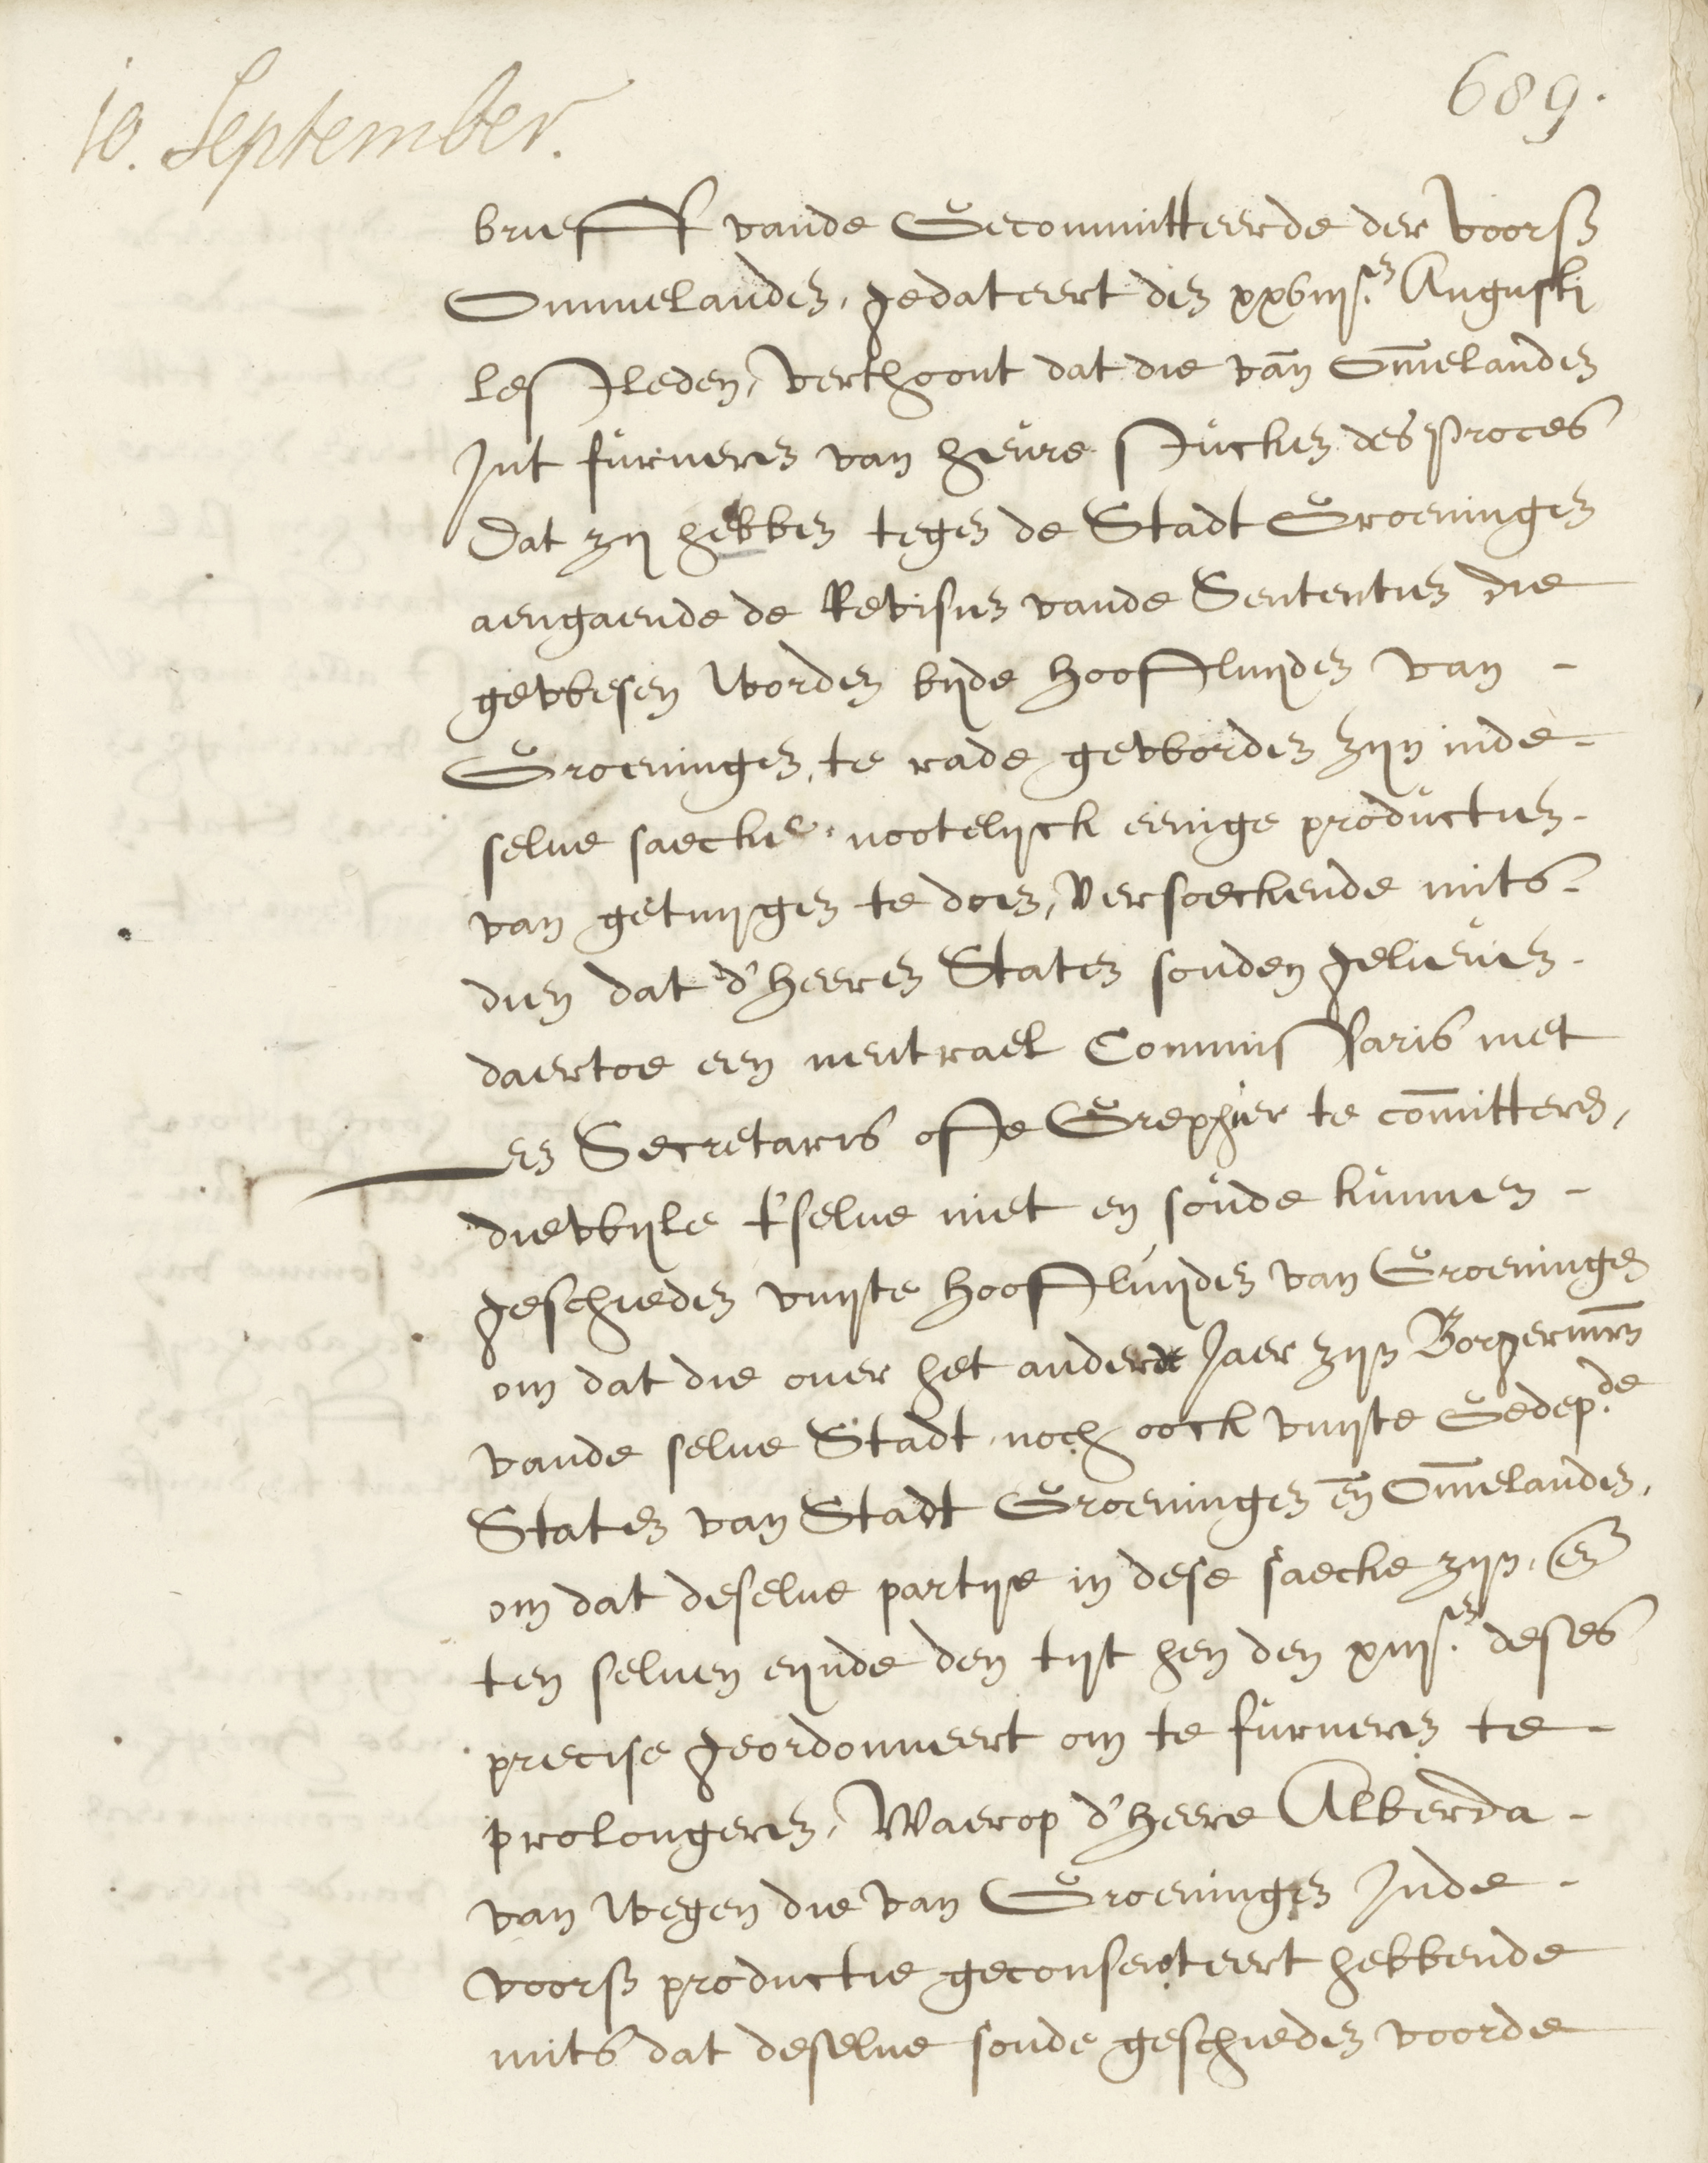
689.
10. September.
brieff vande Gecommitteerde der voors
Ommelanden, gedateert den xxviijen Augusti
lestleden, verthoont dat die van Omelanden
Int furneren van heure stucken des Proces
dat zij hebben tegen de Stadt Groeningen
aengaende de Revisien vande Sententien die
gewesen worden byde hooftluyden van
Groeningen, te rade geworden zijn inde
selue saecke nootelyck eenige productien
van getuijgen te doen, Versoeckende mits
dien dat d'heeren Staten souden gelieuen
daertoe een neutrael Commissaris met
een Secretaris ofte Grephier te comitteren,
diewyle t'selue niet en soude kunnen
geschieden uuyte hooftluyden van Groeningen
om dat die ouer het anderde jaer zyn Borgermrn
vande selue Stadt, noch oock vuijte Gedepde.
Staten van Stadt Groeningen en Omelanden,
om dat deselue partye in dese saecke zijn, &
ten seluen eynde den tyt hen den xiije. deses
precise geordonneert om te furneren te
prolongeren. Waerop d'heere Alberda
van Wegen die van Groeningen Inde
voors productie geconsenteert hebbende
mits dat deselue soude geschieden voorde
